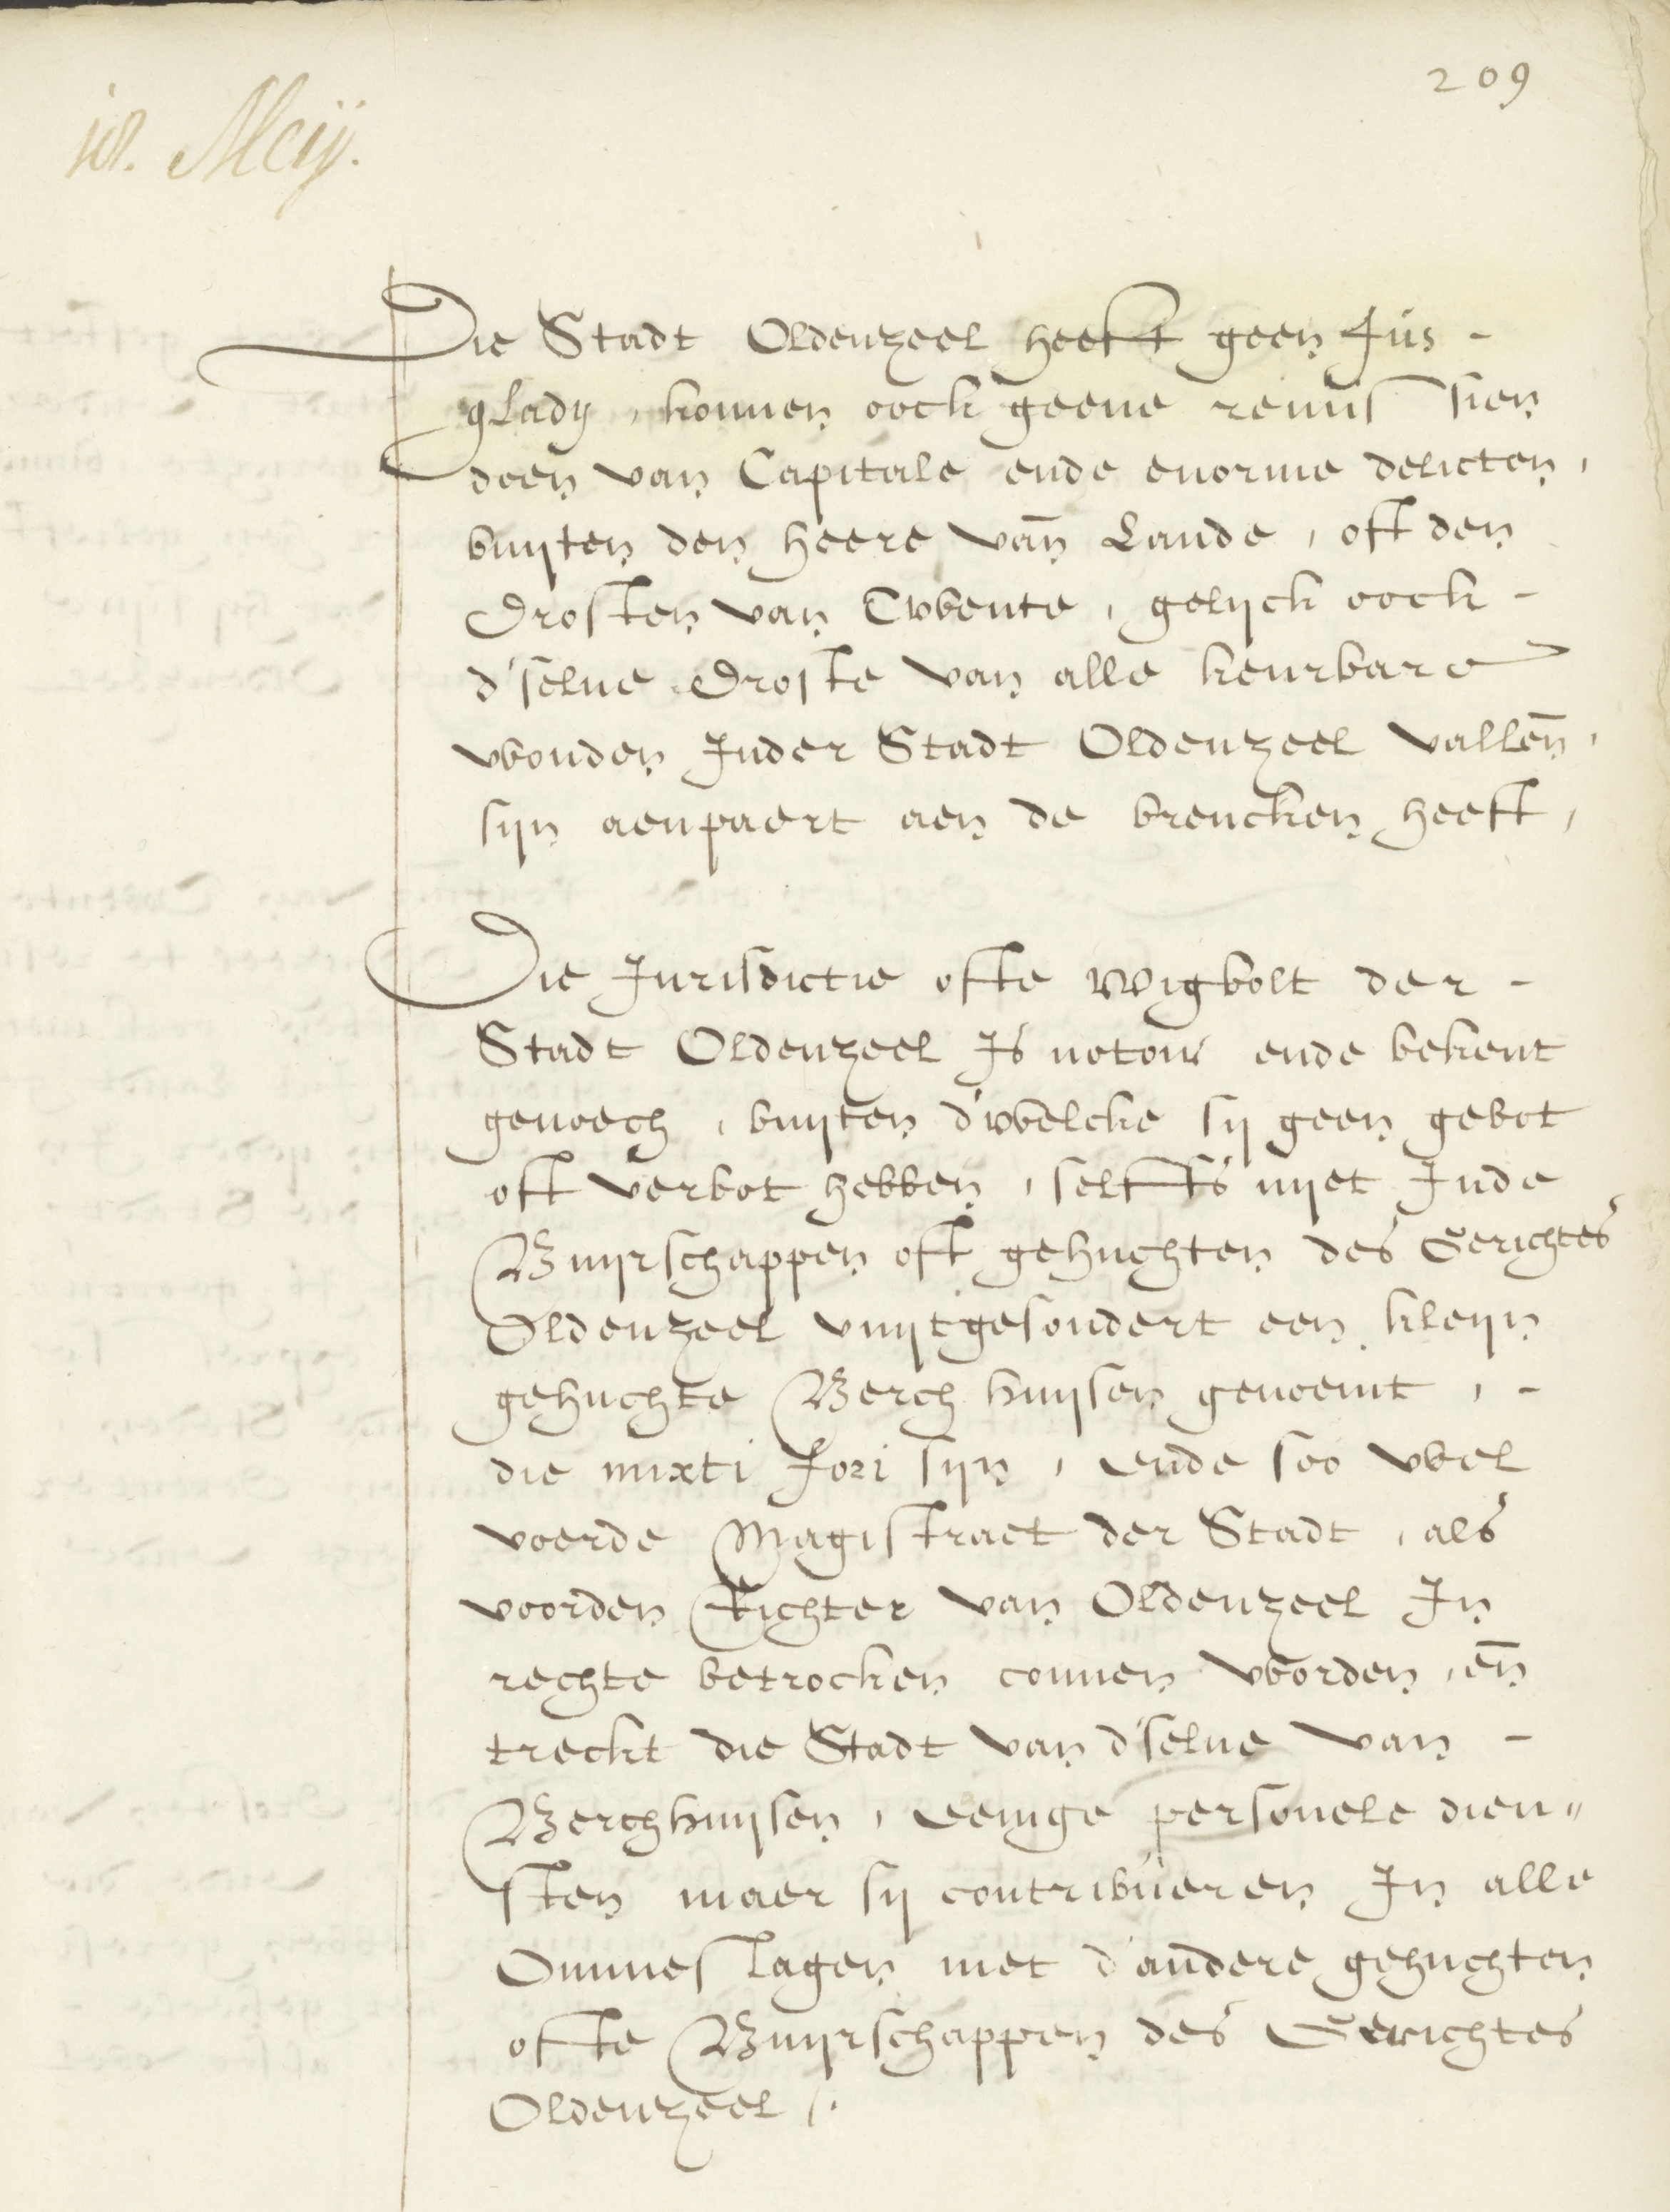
209
18. Meij.
Die Stadt Oldenzeel heeft geen Jus
glady, konnen oock geene remissien
doen van Capitale ende enorme delicten,
buyten den heere van Lande, off den
Drosten van Twente, gelijck oock
d'selue, Droste van alle keurbare
wonden Inder Stadt Oldenzeel vallen
syn aenpaert aen de breucken heeft.
Die Jurisdictie ofte Wigbolt der
Stadt Oldenzeel Is notoir ende bekent
genoech, buyten d'welcke sy geen gebot
off verbot hebben, selffs nyet Inde
Buyrschappen oft gehuchten des Gerichtes
Oldenzeel vuytgesondert een kleyn
gehuchte Berchhuysen genoemt, -
die mixti fori syn, ende soo wel
voerde Magistraet der Stadt, als
voorden Richter van Oldenzeel In
rechte betrocken connen worden, en
treckt die Stadt van d'selue van -
Berchhuysen, eenige personele dien„
sten maer sy contribueren In alle
Ommeslagen met d'andere gehuchten
ofte Buyrschappen des Gerichtes
Oldenzeel.
